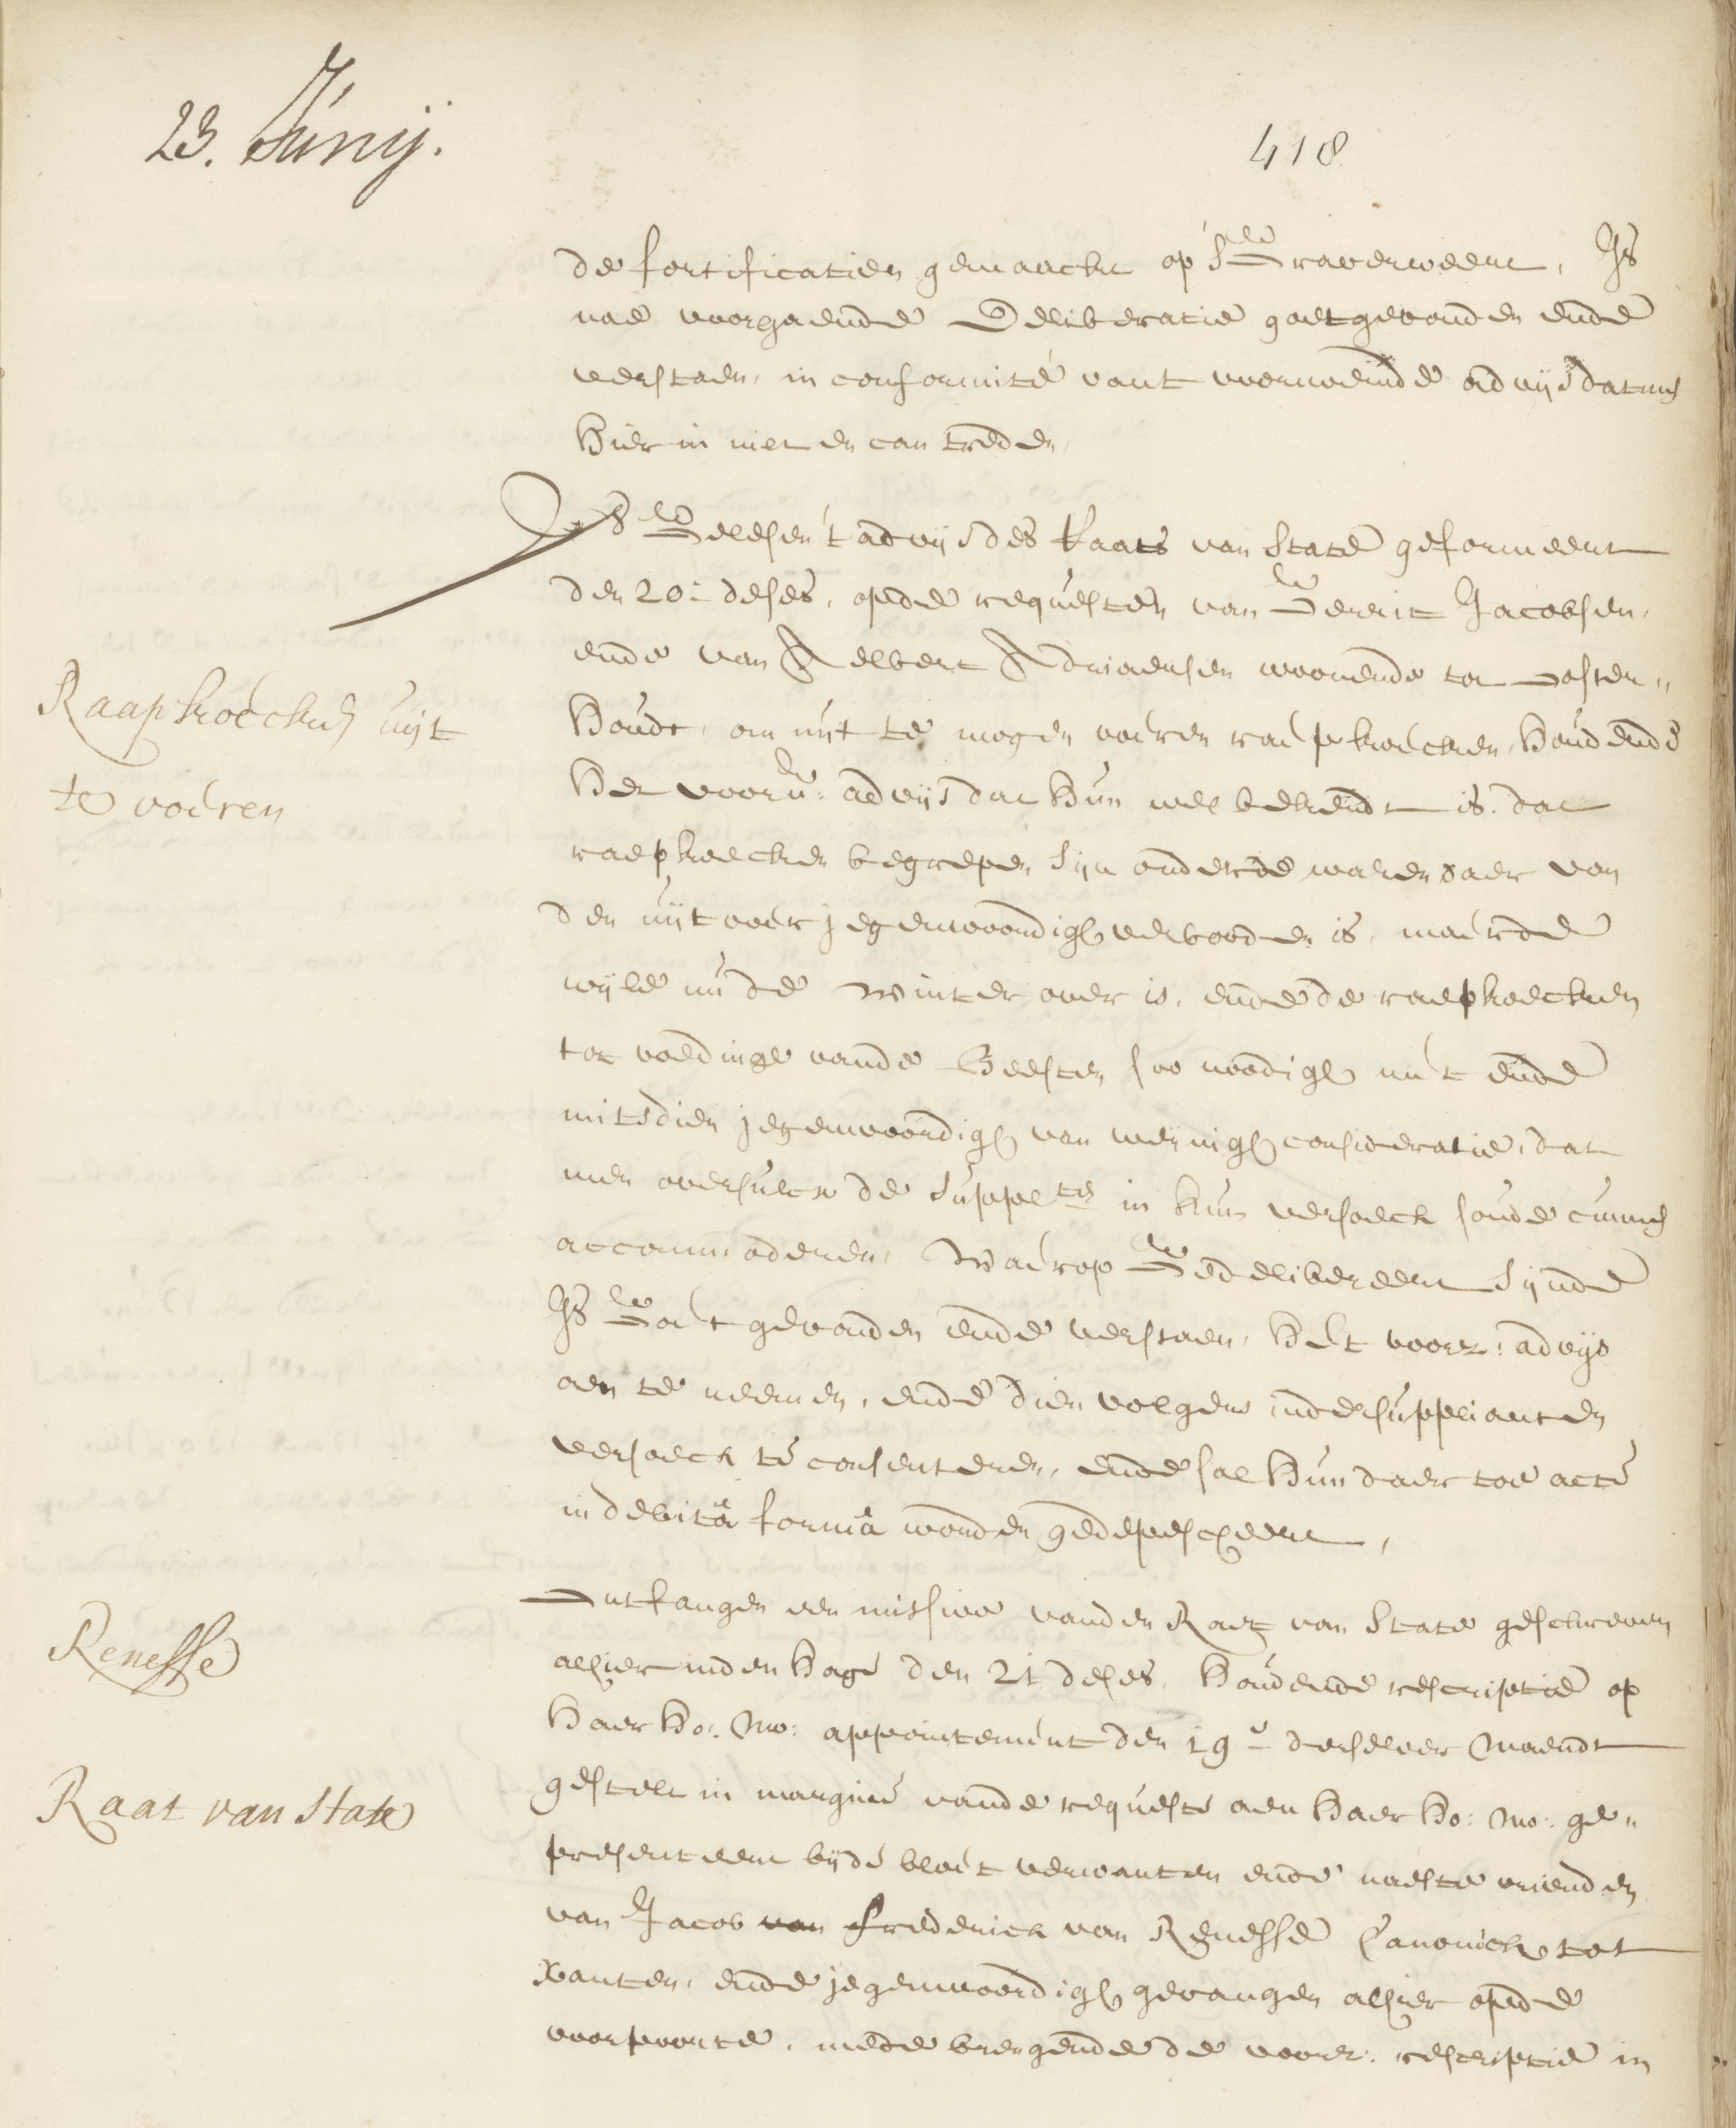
418
23. Junij.
de fortificatien gemaackt op 's Gravenweert. Is
nae voorgaende Deliberatie goetgevonden ende
verstaen, in conformié vant voornoemde advijs datmen
hierin niet en can treden.
Raapkoecken uijt
te voeren
Is Gelesen 't advijs des Raats van State geformeert
den 20: deses, opde requesten van Gerrit Jacobsen,
ende van Aelbert Adriaensen woonende in Ooster„
houdt, om uijt te mogen voeren raepkoecken, houdende
het voorn: advijs dat hun wel bekendt is dat
raepkoecken begrepen sijn onder de waren daer van
den uijtvoer jegenwoordigh verbooden is, maer de
wijle nu de winter over is, ende de raepkoecken
tot voedinge vande Beesten soo noodigh nut ende
mitsdien jegenwoordigh van weijnigh consideratie, dat
men oversulcx de supplten in hun versoeck soude cunnen
accomoderen. Waerop Gedelibereert sijnde
Is Goet gevonden ende verstaen het voorz: advijs
aen te neemen, ende dien volgens inde supplianten
versoeck te consenteren, ende sal hun daer toe acte
in debita forma worden gedepescheert.
Renesse
Raat van State
Ontfangen een missive vanden Raet van State geschreven
alhier in den Hage den 21 deses, Houdende rescriptie op
haer Ho:Mo: appointement den 19e derselven maendt
gestelt in margine vande requestes aen haer Ho:Mo: ge„
presenteert bijde bloetverwanten ende naeste vrienden
van Jacob van Frederick van Renesse Canonick tot
Xanten, ende jegenwoordigh gevangen alhier opde
voorpoorte, mede brengende de voorz: rescriptie in
